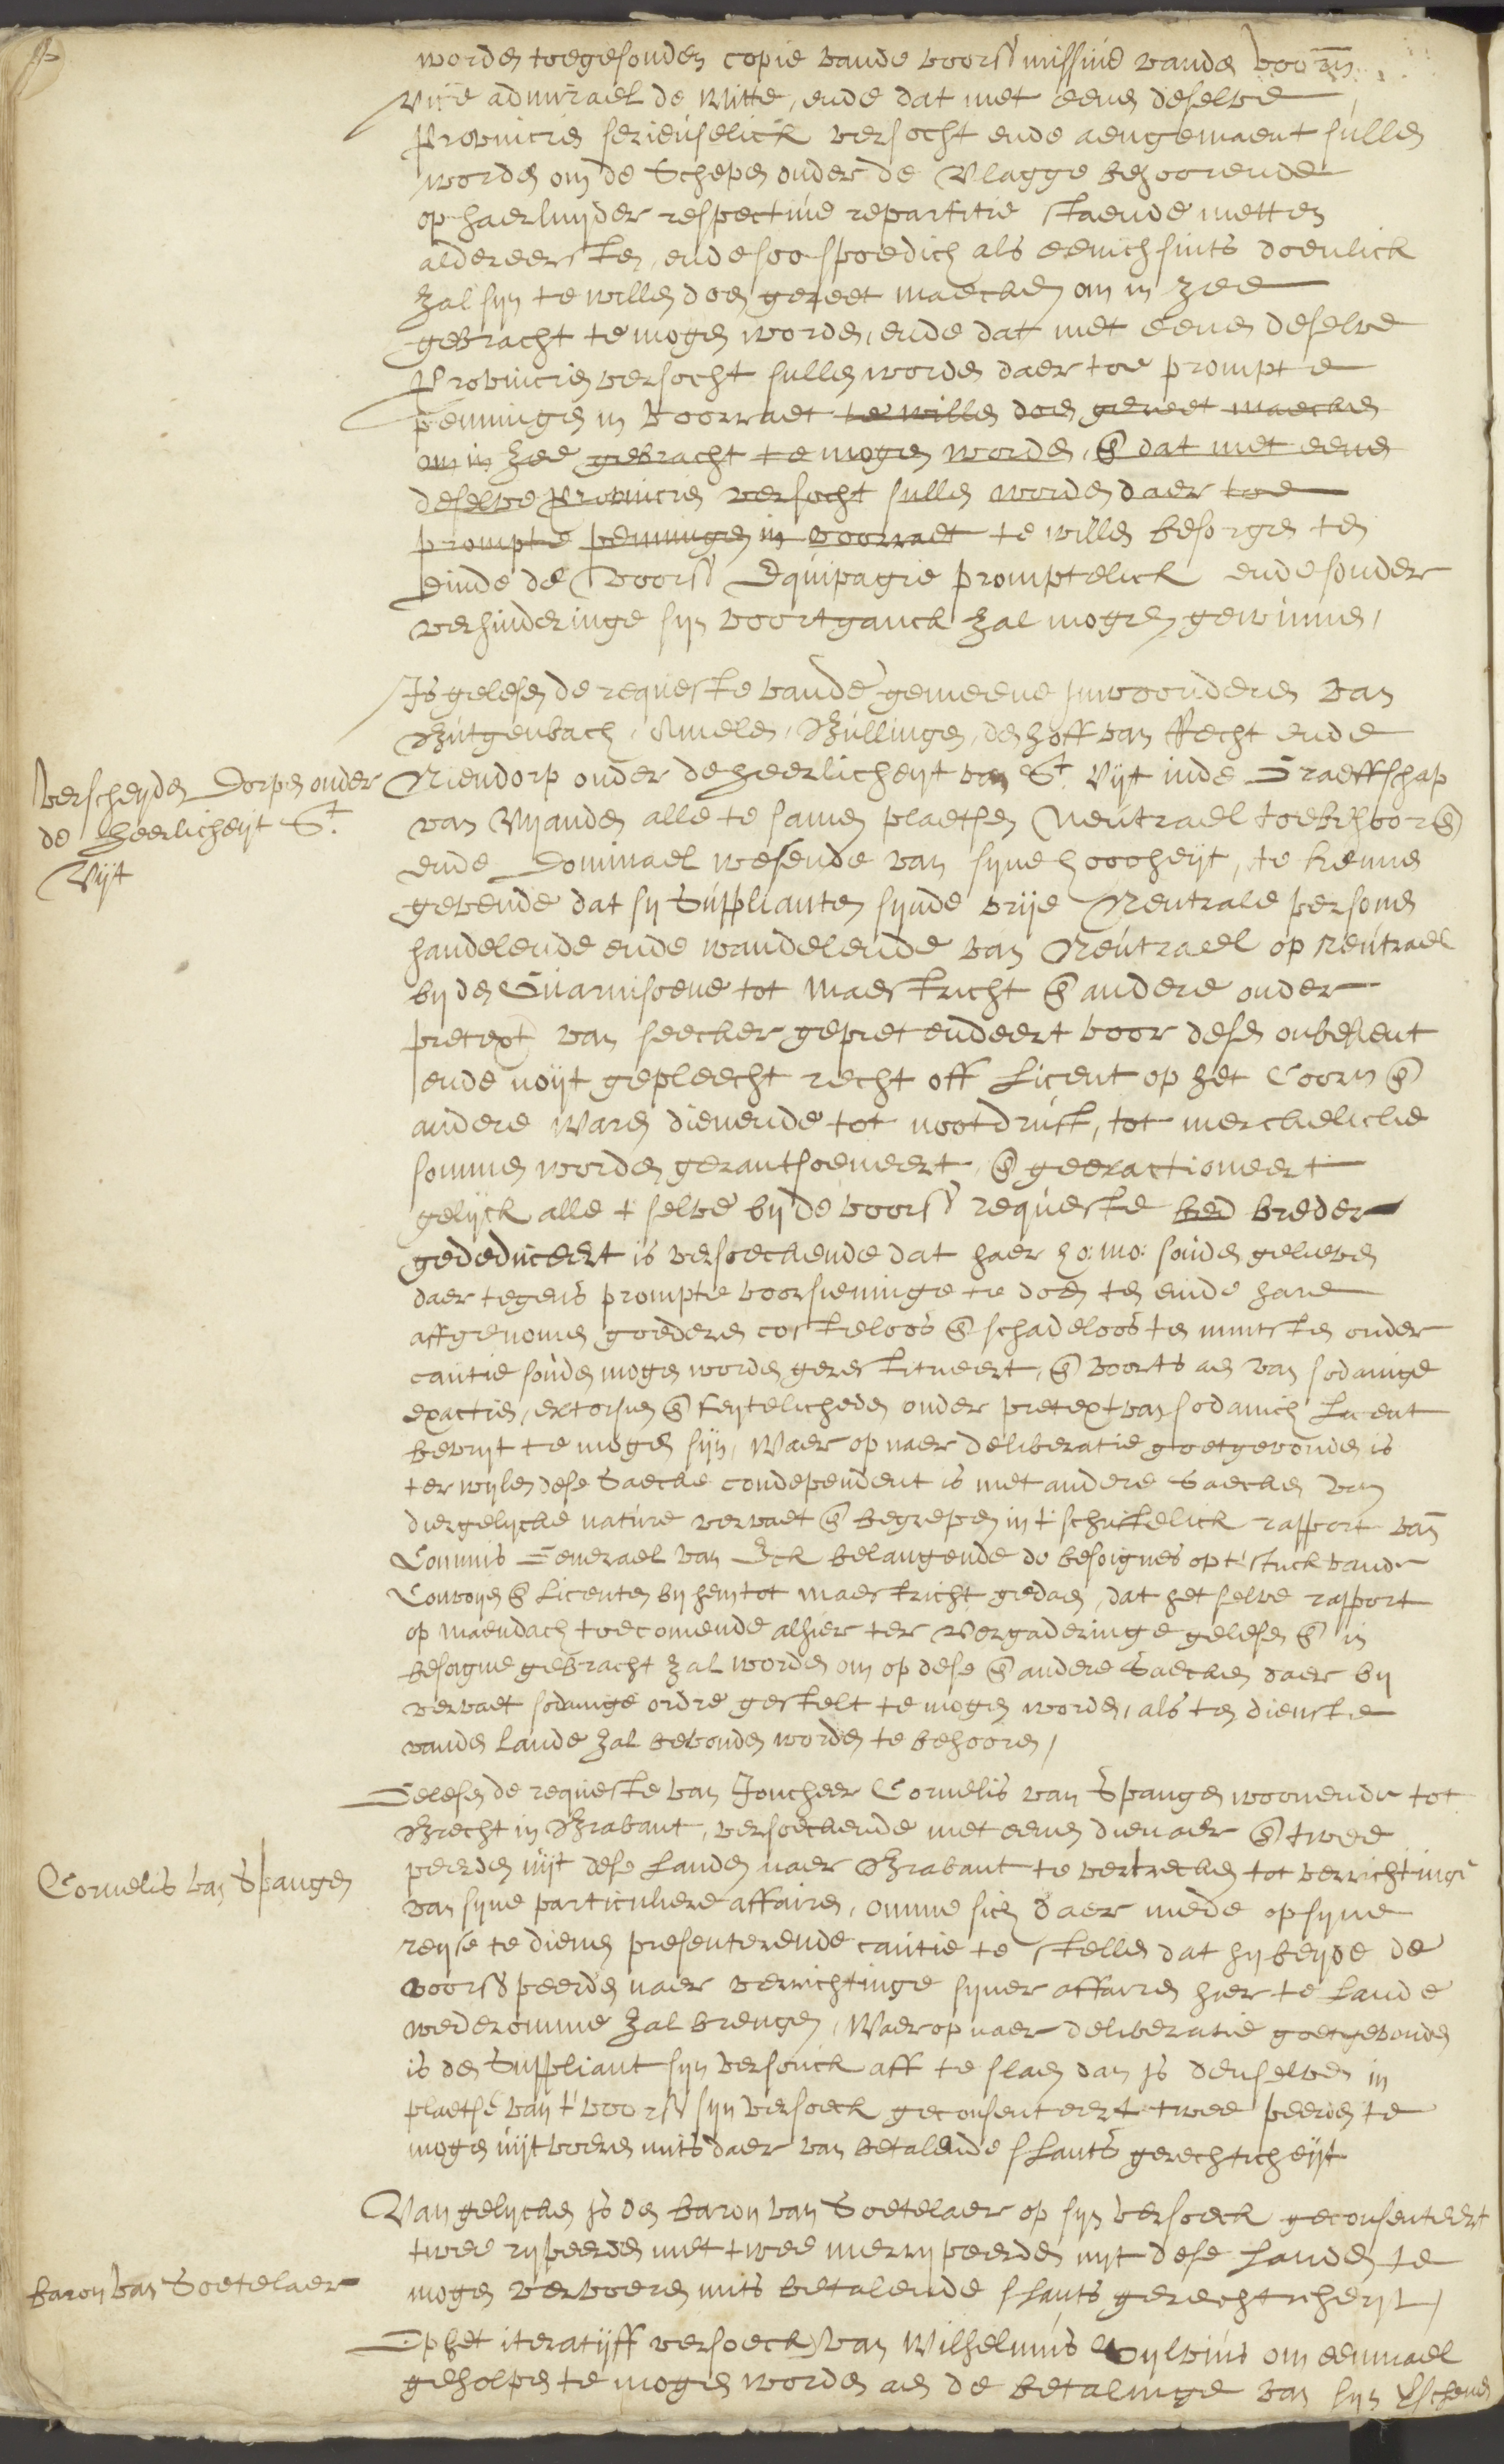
worden toegesonden copie vande voors missiuve vande voorn.
vice admirael de Witte, ende dat met eenen deselve
Provincien serieuselick versocht ende aengemaent sullen
worden om de Schepen onder de Vlagge behoorende
op haerluyder respectiue repartitie staende metten
aldereersten, ende soo spoedich als eenichsints doenlick
zal syn te willen doen gereet maecken om in zee
gebracht te mogen worden, ende dat met eenen deselve
Provincien versocht sullen worden daer toe prompte
penningen in voorraet te willen doen gereet maecken
om in zee gebracht te mogen worden, & dat met eenen
deselve Provincien versocht sullen worden daer toe
prompte penningen in voorraet te willen besorgen ten
einde de voors Equipagie promptelick ende sonder
verhinderinge syn voortganck zal mogen gewinnen.
Verscheyden Dorpen onder
de heerlicheyt St.
Vijt
Is gelesen de requeste vande gemeene inwoonderen van
Butgenbach, Amelen, Bullingen, den hoff van Recht ende
Nieudorp onder de heerlicheyt van St. Vijt inde Graeffschap
van Vyanden alle te samen plaetsen Neutrael toebehoor&
ende Dominael wesende van syne hoocheijt, te kennen
gevende dat sy Supplianten synde vrije Neutrale personen
handelende ende wandelende van Neutrael op neutrael
by den Guarnisoene tot Maestricht & andere onder
pretext van seecker gepretendeert voor desen onbekent
ende noijt gepleecht recht off Licent op het Coorn &
andere Waren dienende tot nootdruft, tot merckelicke
sommen worden gerantsoeneert, & geexactioneert
gelijck alle t‛selve by de voors requeste bed breder
gededuceert is versoeckende dat haer ho:mo: souden gelieven
daer tegens prompte voorsieninge te doen ten einde hare
affgenomen goederen costeloos & schadeloos ten minsten onder
cautie souden mogen worden gerestitueert, & voorts aen van sodanige
exactien, extorsien & feytelicheden onder pretext van sodanich Licent
bevryt te mogen sijn, Waer op naer deliberatie goetgevonden is
ter wylen dese Saecke condependent is met andere Saecken van
diergelycke nature vervaet & begrepen int‛ schriftelick rapport van
Commis Generael van Eck belangende de besoignes opt‛ stuck vande
Convoyen & Licenten by hem tot maestricht gedaen, dat het selve rapport
op maendach toecomende alhier ter Vergaderinge gelesen & in
besoigne gebracht zal worden om op dese & andere Saecken daer by
vervaet sodanige ordre gestelt te mogen worden, als ten dienste
vanden Lande zal bevonden worden te behooren.
Cornelis van Spangen
Gelesen de requeste van Joncheer Cornelis van Spangen woonende tot
Brecht in Brabant, versoeckende met eenen dienaer & twee
peerden uijt dese Landen naer Brabant te vertrecken tot verrichtinge
van syne particuliere affairen, omme sich daer mede op syne
reyse te dienen presenterende cautie te stellen dat hy beyde de
voors peerden naer verrichtinge syner affairen hier te Lande
wederomme zal brengen, Waerop naer deliberatie goetgevonden
is den Suppliant syn versouck aff te slaen dan is denselven in
plaetse van t‛ voors syn versoeck geconsenteert twee peerden te
mogen uijtvoeren mits daer van betalende sLants gerechticheijt.
baron van Soetelaer
Van gelycken is den baron van Soetelaer op syn versoeck geconsenteert
twee rypeerden met twee merrypeerden uyt dese Landen te
mogen vervoeren mits betalende sLants gerechticheyt.
Op het iteratijff versoeck van Wilhelmus Sylvius om eenmael
geholpen te mogen worden aen de betalinge van syn vschenen
